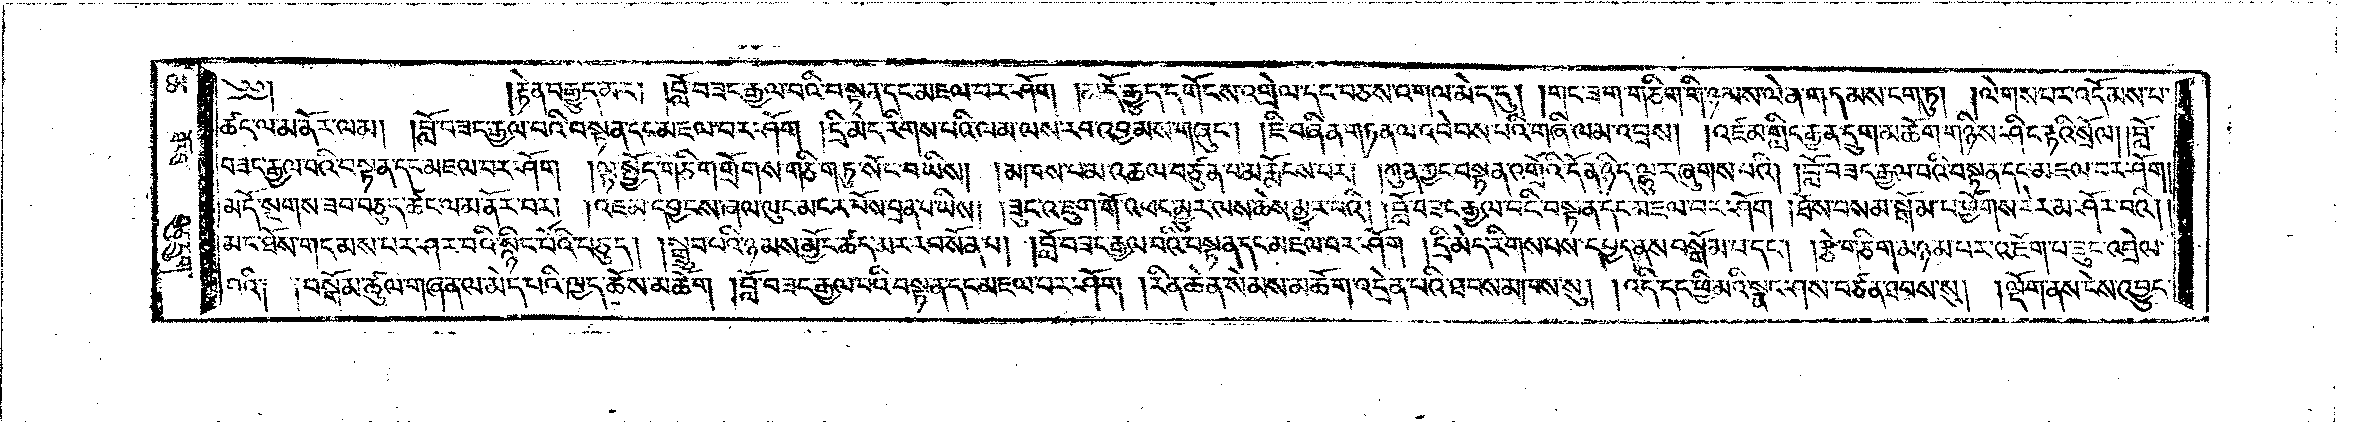༄༅། །རྟེན་བརྒྱུད་མར། །བློ་བཟང་རྒྱལ་བའི་བསྟན་དང་མཇལ་བར་ཤོག །མདོ་རྒྱུད་དགོངས་འགྲེལ་དང་བཅས་འགལ་མེད་དུ། །གང་ཟག་གཅིག་གི་ཉམས་ལེན་གདམས་ངག་ཏུ། །ལེགས་པར་འདོམས་པ་
ཚད་ལ་མ་ནོར་ལམ། །བློ་བཟང་རྒྱལ་བའི་བསྟན་དང་མཇལ་བར་ཤོག །དྲི་མེད་རིགས་པའི་ལམ་ལས་རབ་འབྱམས་གཞུང་། །ཇི་བཞིན་གཏན་ལ་འབེབས་པའི་གཞི་ལམ་འབྲས། །འཛམ་གླིང་རྒྱན་དྲུག་མཆོག་གཉིས་ཤིང་རྟའི་སྲོལ། །བློ་
བཟང་རྒྱལ་བའི་བསྟན་དང་མཇལ་བར་ཤོག །ལྟ་སྤྱོད་གཅིག་གྲོགས་གཅིག་ཏུ་སོང་བ་ཡིས། །མཁས་པ་མ་འཆལ་བཙུན་པ་མ་རོངས་པར། །ཀུན་ཀྱང་བསྟན་འགྲོའི་དོན་ཉིད་ལྷུར་ཞུགས་པའི། །བློ་བཟང་རྒྱལ་བའི་བསྟན་དང་མཇལ་བར་ཤོག །
མདོ་སྔགས་ཟབ་བཅུད་ཚང་ལ་མ་ནོར་བར། །འཇམ་དབྱངས་ཞལ་ལུང་མངར་པོས་བྲན་པ་ཡིས། །ཟུང་འཇུག་གོ་འཕང་མྱུར་ལས་ཆེས་མྱུར་བའི། །བློ་བཟང་རྒྱལ་བའི་བསྟན་དང་མཇལ་བར་ཤོག །ཐོས་བསམ་སྒོམ་པ་ཕྱོགས་རེར་མ་ཤོར་བའི། །
མང་ཐོས་གདམས་པར་ཤར་བའི་སྙིང་པོའི་བཅུད། །སྒྲུབ་པའི་ཉམས་མྱོང་ཚད་མར་རབ་སོན་པ། །བློ་བཟང་རྒྱལ་བའི་བསྟན་དང་མཇལ་བར་ཤོག །དྲི་མེད་རིགས་པས་དཔྱད་ནས་བསྒོམ་པ་དང་། །རྩེ་གཅིག་མཉམ་པར་འཇོག་པ་ཟུང་འབྲེལ་
བའི༑ ༑བསྒོམ་ཚུལ་གཞན་ལ་མེད་པའི་ཁྱད་ཆོས་མཆོག །བློ་བཟང་རྒྱལ་བའི་བསྟན་དང་མཇལ་བར་ཤོག །རིན་ཆེན་སེམས་མཆོག་འདྲེན་པའི་ཐབས་མཁས་སུ། །འདི་དང་ཕྱི་མའི་སྣང་ཤས་བཙན་ཐབས་སུ། །ལྡོག་ནས་ངེས་འབྱུང་